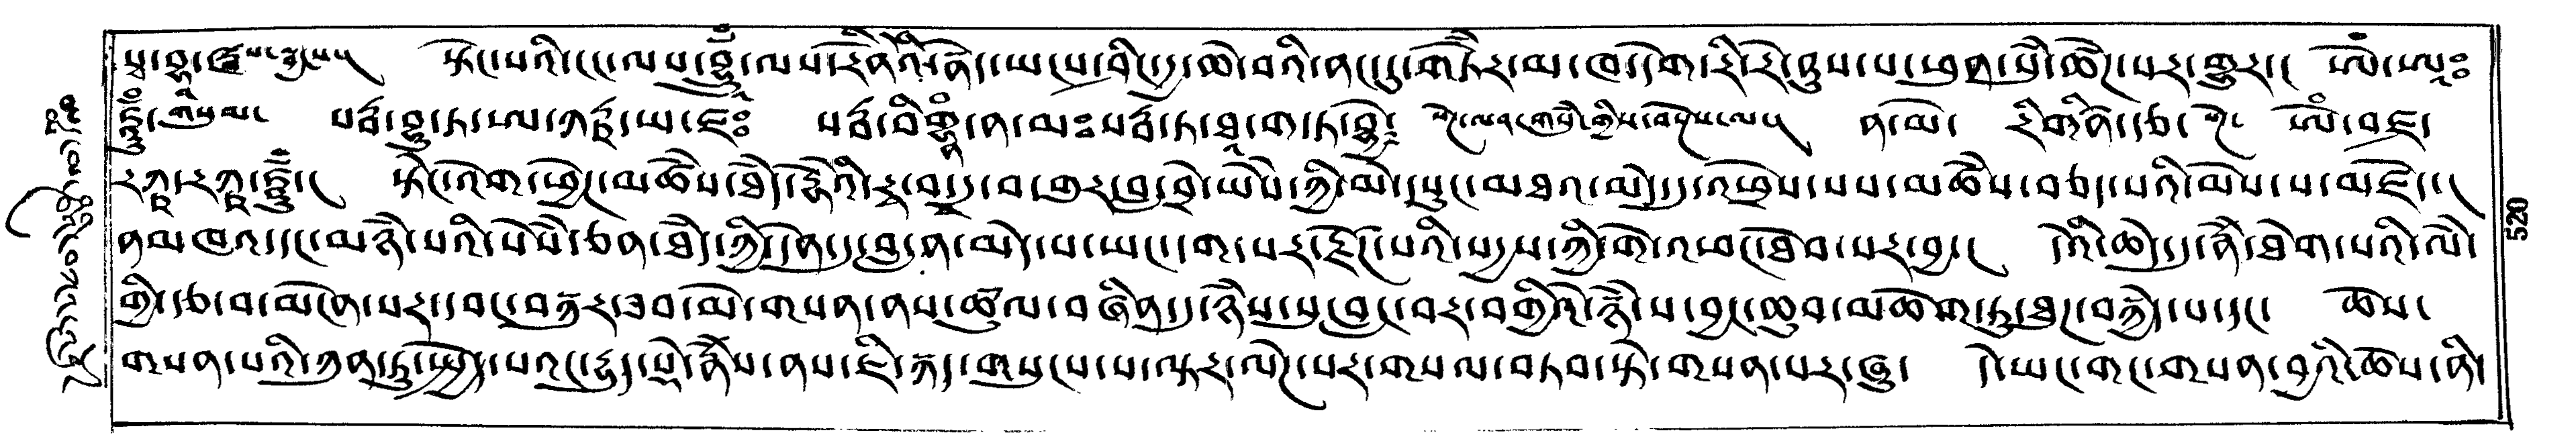སྭ་བྷཱ་ཝ ས་སྦྱངས། སྟོང་པའི་ངང་ལས་བྷྲུྃ་ལས་རིན་པོ་ཆེའི་སྣོད་ཡངས་ཤིང་རྒྱ་ཆེ་བའི་ནང་དུ་གཏོར་མ་ཁ་དོག་དྲི་རོ་ནུས་པ་ཕུན་སུམ་ཚོགས་པར་གྱུར། ཨོཾ་ཨཱཿ
ཧཱུྃ། གསུམ། སརྦ་བྷུ་ཏ་ཨ་ཀརྵ་ཡ་ཛཿ སརྦ་བིགྷྣཾ་ན་མ་ཿསརྦ་ཏ་ཐཱ་ག་ཏ་བྷྱོ༴ སོགས་ལན་གསུམ་གྱིས་བསྔོས་ལ། ན་མོ། རིག་འཛིན་རྩ་སོགས། ཨོཾ་བཛྲ་
རཀྵ་རཀྵ་ཧཱུྃ། སྟེང་འོག་ཕྱོགས་མཚམས་ཐམས་ཅད་རྡོ་རྗེའི་རྭ་བ་དྲ་བ་གུར་བླ་བྲེ་ཡེ་ཤེས་ཀྱི་མེ་དཔུང་མཐའ་མེད་དུ་འཕྲོས་པས་མཚམས་བཅད་པའི་མོས་པ་མཛོད། 
ནམ་མཁའ་དང་མཉམ་པའི་སེམས་ཅན་ཐས་ཅད་ཀྱི་དོན་དུ་བླ་ན་མེད་པ་ཡང་དག་པར་རྫོགས་པའི་སངས་རྒྱས་ཀྱི་གོ་འཕང་འཐོབ་པར་བྱ། དེའི་ཆེད་དུ་རྡོ་རྗེ་ཐེག་པའི་ལམ་
གྱི་རྩ་བ་མངོན་པར་དབང་བསྐུར་ཟབ་མོ་གསན་ནས་ཚུལ་བཞིན་དུ་ཉམས་སུ་བླང་བར་བགྱིའོ་སྙམ་པ་བྱང་ཆུབ་མཆོག་ཏུ་ཐུགས་བསྐྱེད་པ་དང་།ཆོས་
གསན་པའི་ཀུན་ཏུ་སྤྱོད་པའང་རྒྱུད་སྡེ་རྣམས་ནས་ཇི་སྐད་གསུངས་པ་ལྟར་ལེགས་པར་གསལ་བཏབ་སྟེ་གསན་པར་ཞུ། དེ་ཡང་གང་གསན་བྱའི་ཆོས་ནི།